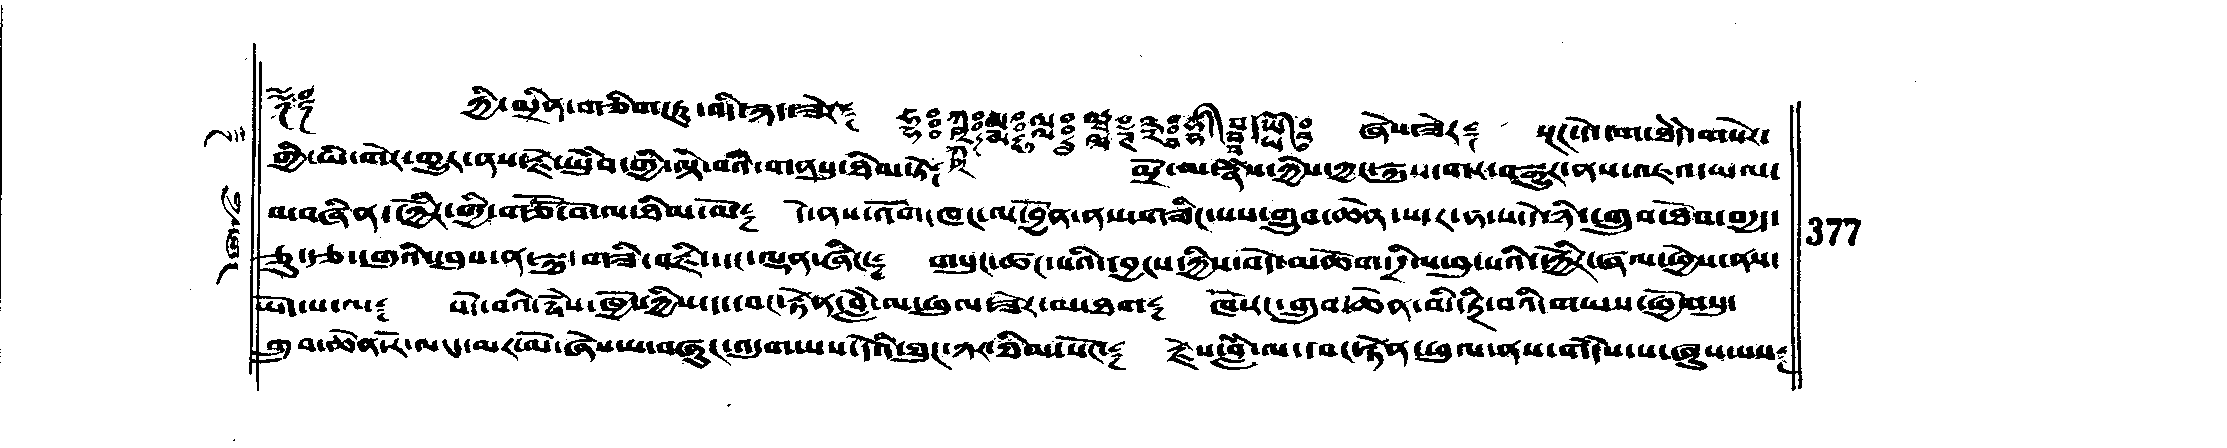ཀྱི་མགྲིན་གཅིག་ཏུ་འདི་སྐད་ཟེར། ༼་་་་་་་་་་་་་་་་་་་་་་་་་་་་་་་་་་་་་་་་་༽ ཞེས་ཟེར། སྔགས་དེ་དག་ཐམས་ཅད་གསེར་
གྱི་ཡི་གེར་གྱུར་ནས་རྗེ་ཡབ་ཡུམ་གྱི་ལྟེ་བའི་གནས་སུ་ཐིམ་ཏེ། མཁའ་འགྲོ་མ་རྣམས་ཀྱིས་ཀྱང་སྐུས་གར་བསྒྱུར་ནས་འཇའ་ཡལ་
བ་བཞིན་དཀྱིལ་འཁོར་གྱི་གཙོ་བོ་ལ་ཐིམ་མོ། དེ་ནས་འོག་ཁང་ལ་བྱོན་ནས་གཟིགས་པས་གྲུབ་ཆེན་ས་ར་ཧ་པ་དེ་ཉིད་གྲུབ་ཐོབ་བརྒྱད་
ཅུ་རྩ་དགུའི་དབུས་ན་སྐུ་གཟི་བརྗིད་དང་ལྡན་ཞིང་། གསུང་ཚངས་པའི་དབྱངས་ཀྱིས་བདེ་མཆོག་དྲིལ་བུ་པའི་དཀྱིལ་འཁོར་ཞལ་ཕྱེས་ནས་
ཡོད་པ་ལ།བདེ་བའི་རྡོ་རྗེས་ཁྱོད་ཀྱིས་ད་དབང་རྟེན་བླ་མ་ལ་ཕུལ་ཟེར་མ་ཐག ཁོ་རང་གྲུབ་ཆེན་མི་ཏྲི་པའི་གཡས་ཕྱོགས་སུ་
གྲུབ་ཆེན་རོ་ལང་དམར་མོ་ཞེས་པ་བཞུགས་འདུག་པས་དེའི་ཐུགས་ཀར་ཐིམ་སོང་། རྗེས་བླ་མ་ལ་དབང་རྟེན་ཕུལ་ནས་གདམས་པ་ཞུས་པས།